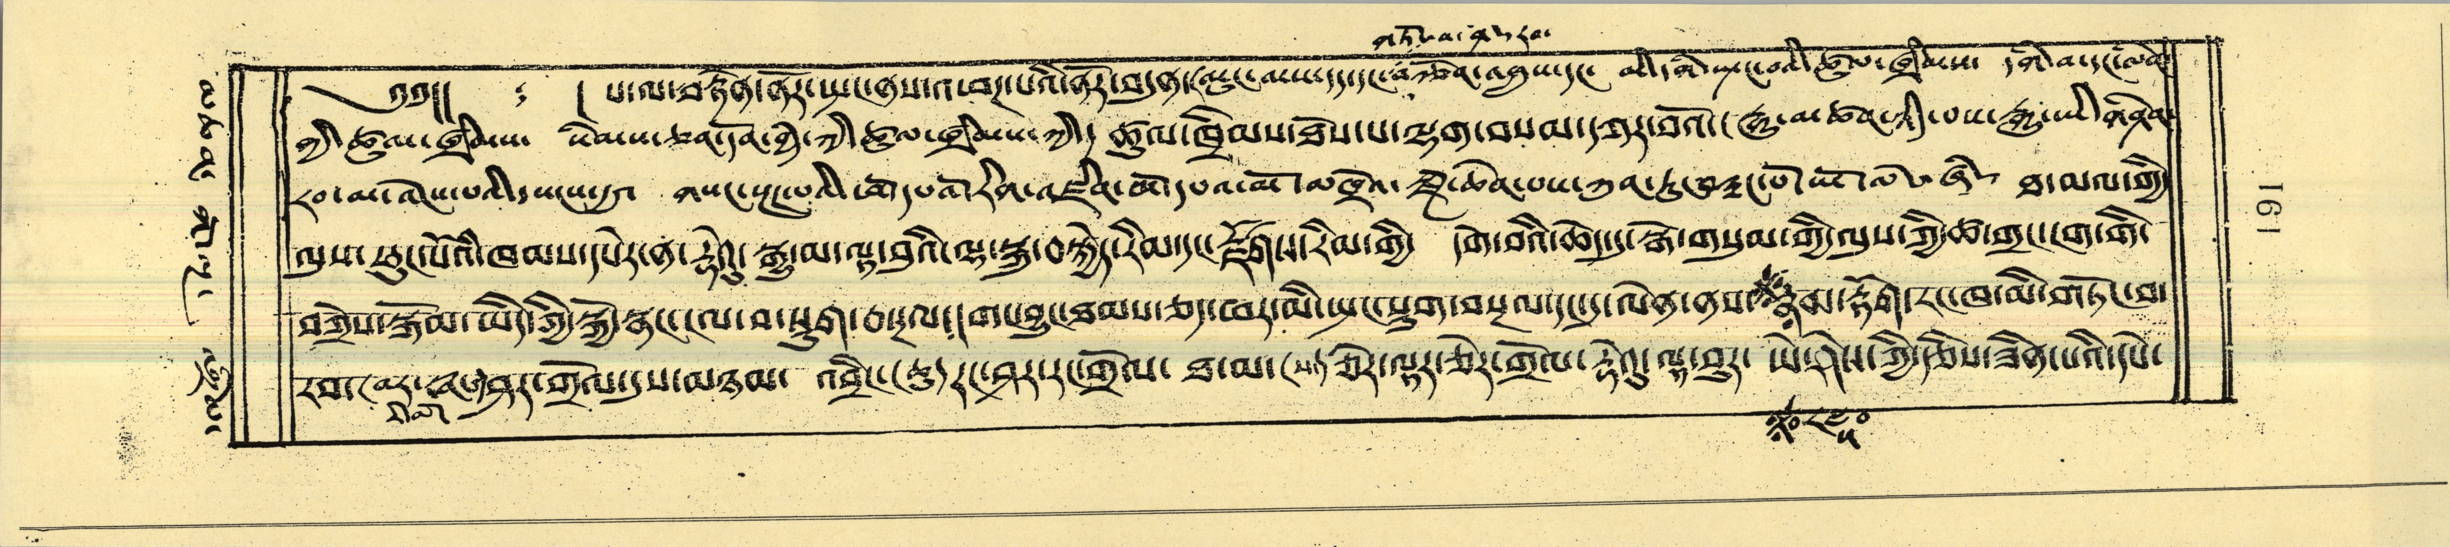པ་ལ་བརྟེན་ནོར་སྤངས་ནས་འཕགས་པའི་ནོར་བདུན་ལུང་ལས། དད་དང་གཏོང་བ་ཤེས་རབ་བརྩོན་འགྲུས་དང་། མི་དགེ་སྤང་བའི་ཚུལ་ཁྲིམས་དགེ་བ་དང་ལེན་
གྱི་ཚུལ་ཁྲིམས་སེམས་ཅན་དོན་བྱེད་ཀྱི་ཚུལ་ཁྲིམས་ཀྱི་ཚུལ་ཁྲིམས་ཐོས་པ་ལྷག་བསམ་དཀར་བའོ། རྒྱུ་མཚན་ཉིད་པས་རྒྱུ་ཡི་གཤེན་
རབ་མ་འོངས་པའི་སངས་རྒྱས། གསང་སྔགས་པའི་ཕོ་དཔའ་བོ་རིག་འཛིན་མོ་དཔའ་མོ་མཁའ་འགྲོ་རྫོགས་ཆེན་པས་ཀུན་ཏུ་བཟང་པོའི་ཡོ་ལང་ཞེས་ཐ་མལ་གྱི་
ལུས་ཕུང་པོའི་ཁམས་ལ་དཔེར་ན་༼རྡེའུ༽སྒྱུ་མ་ལྟ་བུའི་བསྐྱེད་རིམ་དང་༼རྫོགས༽རིམ་གྱི་དགེ་བའི་ཆེད་དུ་སྒོ་གསུམ་གྱི་ལུས་ཀྱི་ཚ་གྲང་ངག་གི་
བཀྲེས་སྐོམ་ཡིད་ཀྱི་སྐྱོ་སྣང་ངལ་བ་༼སྡུག་བསྔལ༽གང་བྱུང་ཐམས་ཅད་ཕར་མི་སྤང་སྡུག་བསྔལ་དང་དུ་ལེན་ནས་ན༨༤།༥༼རྣམ་རྟོག༽རང་ཁ་མི་གཏོང་བ་
རབ་(བར་སྣང་རི་མོ)ཤར་གྲོལ་དུས་མཉམ་འབྲིང་(ཆུ)རང་ཤར་རང་གྲོལ་ཐ་མ་(ས)ཅེར་ལྟ་ཅེར་གྲོལ་༼རྡེའུ༽ལྟ་བུ་༼ཡེ་ཤེས༽ཀྱིས་རྩིས་ཟིན་པའི་དཔེ་